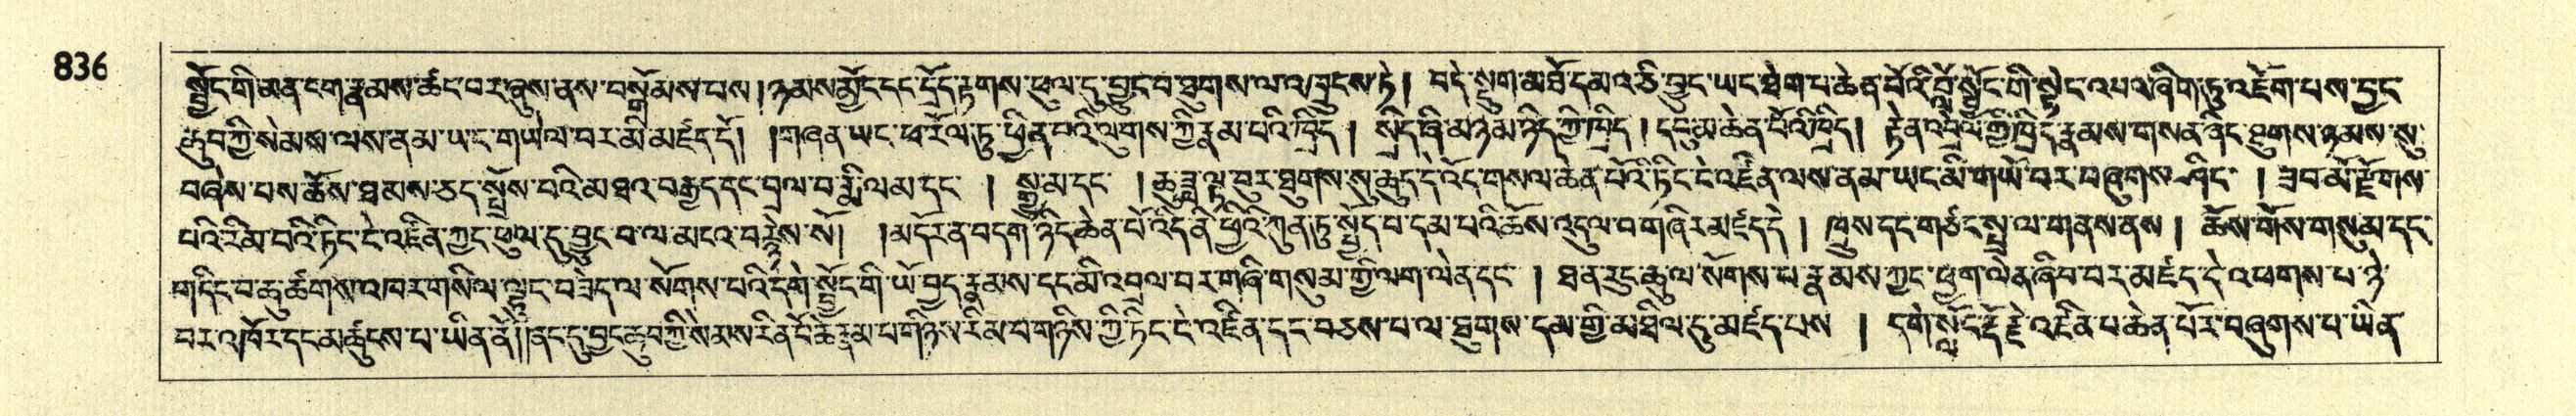སྦྱོང་གི་མན་ངག་རྣམས་ཚང་བར་ཞུས་ནས་བསྒོམས་པས། ཉམས་མྱོང་དང་དྲོད་རྟགས་ཕུལ་དུ་བྱུང་བ་ཐུགས་ལ་འཁྲུངས་ཏེ། བདེ་སྡུག་མཐོ་དམའ་ཅི་བྱུང་ཡང་ཐེག་པ་ཆེན་བོའི་བློ་སྦྱོང་གི་སྟེང་འབའ་ཞིག་ཏུ་འཇོག་པས་བྱང་
ཆུབ་ཀྱི་སེམས་ལས་ནམ་ཡང་གཡེལ་བར་མི་མཛད་དོ། །གཞན་ཡང་ཕ་རོལ་ཏུ་ཕྱིན་བའི་ལུགས་ཀྱི་རྣམ་པའི་ཁྲིད། སྲིད་ཞི་མཉམ་ཉིད་ཀྱི་ཁྲིད། དབུ་མ་ཆེན་བོའི་ཁྲིད། རྟེན་འབྲེལ་གྱི་ཁྲིད་རྣམས་གསན་ཞིང་ཐུགས་ཉམས་སུ་
བཞེས་པས་ཆོས་ཐམས་ཅད་སྤྲོས་པའི་མཐའ་བརྒྱད་དང་བྲལ་བ་རྨི་ལམ་དང་། སྒྱུ་མ་དང་། ཆུ་ཟླ་ལྟ་བུར་ཐུགས་སུ་ཆུད་དེ་འོད་གསལ་ཆེན་པོའི་ཏིང་ངེ་འཛིན་ལས་ནམ་ཡང་མི་གཡོ་བར་བཞུགས་ཤིང་།ཟབ་མོ་རྫོགས་
པའི་རིམ་བའི་ཏིང་ངེ་འཛིན་ཀྱང་ཕུལ་དུ་བྱུང་བ་ལ་མངའ་བརྙེས་སོ། །མདོར་ན་བདག་ཉིད་ཆེན་པོ་འདི་ནི་ཕྱིའི་ཀུན་ཏུ་སྤྱོད་པ་དམ་པའི་ཆོས་འདུལ་བ་གཞིར་མཛད་དེ། ཁྲུས་དང་གཙང་སྤྲ་ལ་གནས་ནས། ཆོས་གོས་གསུམ་དང་
གདིང་བ་ཆུ་ཚགས་འཁར་གསིལ་ལྷུང་བཟེད་ལ་སོགས་པའི་དགེ་སྦྱོང་གི་ཡོ་བྱད་རྣམས་དང་མི་འབྲལ་བར་གཞི་གསུམ་གྱི་ལག་ལེན་དང་། ཐ་ན་རུང་ཆུ་ལ་སོགས་པ་རྣམས་ཀྱང་ཕྱག་ལེན་ཞིབ་བར་མཛད་དེ་འཕགས་པ་ཉེ་
བར་འཁོར་དང་མཚུངས་པ་ཡིན་ནོ། །ནང་དུ་བྱང་ཆུབ་ཀྱི་སེམས་རིན་པོ་ཆེ་རྣམ་པ་གཉིས་ཀྱི་ཏིང་ངེ་འཛིན་དང་བཅས་པ་ལ་ཐུགས་དམ་གྱི་མཐིལ་དུ་མཛད་པས། དགེ་སློང་རྡོ་རྗེ་འཛིན་པ་ཆེན་པོར་བཞུགས་པ་ཡིན་